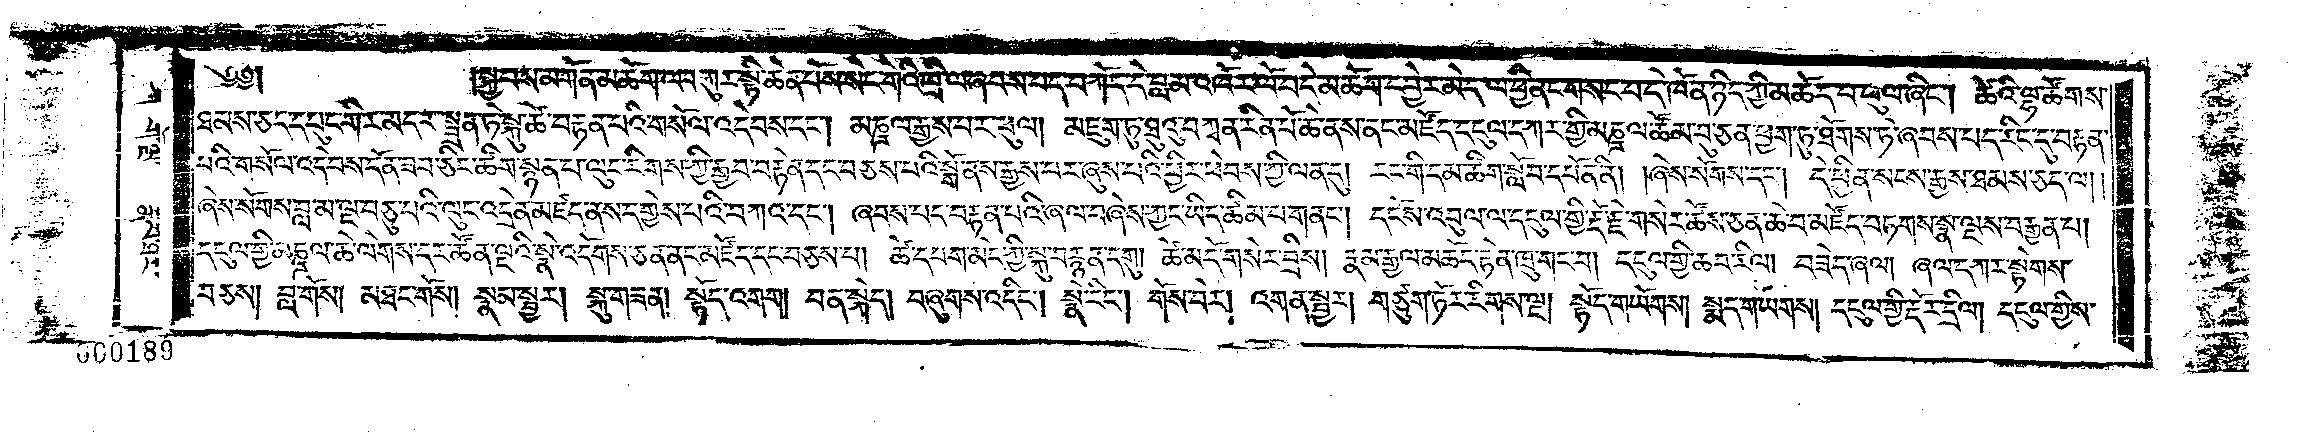༄༅། །སྐྱབས་མགོན་མཆོག་ལ་བཀུར་སྟི་ཆེན་པོས་སེང་གེའི་ཁྲི་ལ་ཞབས་པད་བཀོད་དེ་བླ་མ་འཁོར་ལོ་བདེ་མཆོག་དབྱེར་མེད་ལ་ཕྱི་ནང་གསང་བ་དེ་ཁོ་ན་ཉིད་ཀྱི་མཆོད་པ་ཕུལ་ཞིང་། ཚེའི་ལྷ་ཚོགས་
ཐམས་ཅད་དཔུང་གི་ར་མདར་སྦྲན་ཏེ་སྐུ་ཚེ་བརྟན་པའི་གསོལ་འདེབས་དང་། མཎྜལ་རྒྱས་པར་ཕུལ། མཇུག་ཏུ་ཐུའུ་བཀྭན་རིན་པོ་ཆེ་ནས་ནང་མཛོད་དངུལ་དཀར་གྱི་མཎྜལ་ཚོམ་བུ་ཅན་ཕྱག་ཏུ་ཐོགས་ཏེ་ཞབས་པད་རིང་དུ་བརྟན་
པའི་གསོལ་འདེབས་དོན་ཟབ་ཅིང་ཚིག་སྙན་པ་ལུང་རིགས་ཀྱི་རྒྱབ་བརྟེན་དང་བཅས་པའི་སྒོ་ནས་རྒྱས་པར་ཞུས་པའི་ཕྱིར་ཕེབས་ཀྱི་ལན་དུ། རང་གི་དམ་ཚིག་སློབ་དཔོན་ནི། །ཞེས་སོགས་དང་། དེ་ཕྱིན་སངས་རྒྱས་ཐམས་ཅད་ལ། །
ཞེས་སོགས་བླ་མ་ལྔ་བཅུ་པའི་ལུང་འདྲེན་མཛད་ནས་དགྱེས་པའི་བཀའ་དང་། ཞབས་པད་བརྟན་པའི་ཞལ་བཞེས་ཀྱང་ཡིད་ཆིམ་པ་གནང་། དངོས་འབུལ་ལ་དངུལ་གྱི་རྡོ་རྗེ་གསེར་ཚོས་ཅན་ཆེ་བ་མཛོད་བཏགས་སྣ་ལྔས་བརྒྱན་པ།
དངུལ་གྱི་མཎྜལ་ཆེ་ལེགས་དར་ཚོན་ལྔའི་སྣེ་འདོགས་ཅན་ནང་མཛོད་དང་བཅས་པ། ཚེ་དཔག་མེད་ཀྱི་སྐུ་བརྙན་དགུ། ཚེ་མདོ་གསེར་བྲིས། རྣམ་རྒྱལ་མཆོད་རྟེན་ཁྲུ་གང་བ། དངུལ་གྱི་ཆབ་རིལ། བཟེད་ཞལ། ཞལ་དཀར་སྟེགས་
བཅས། བླ་གོས། མཐང་གོས། སྣམ་སྦྱར། སྐུ་གཟན། སྟོད་འགག། བན་སྐེད། བཞུགས་འདིང་། སྣེ་རིང་། གོས་བེར། འགན་སྦྱར། གཙུག་ཏོར་རིགས་ལྔ། སྟོད་གཡོགས། སྨད་གཡོགས། དངུལ་གྱི་རྡོར་དྲིལ། དངུལ་གྱིས་